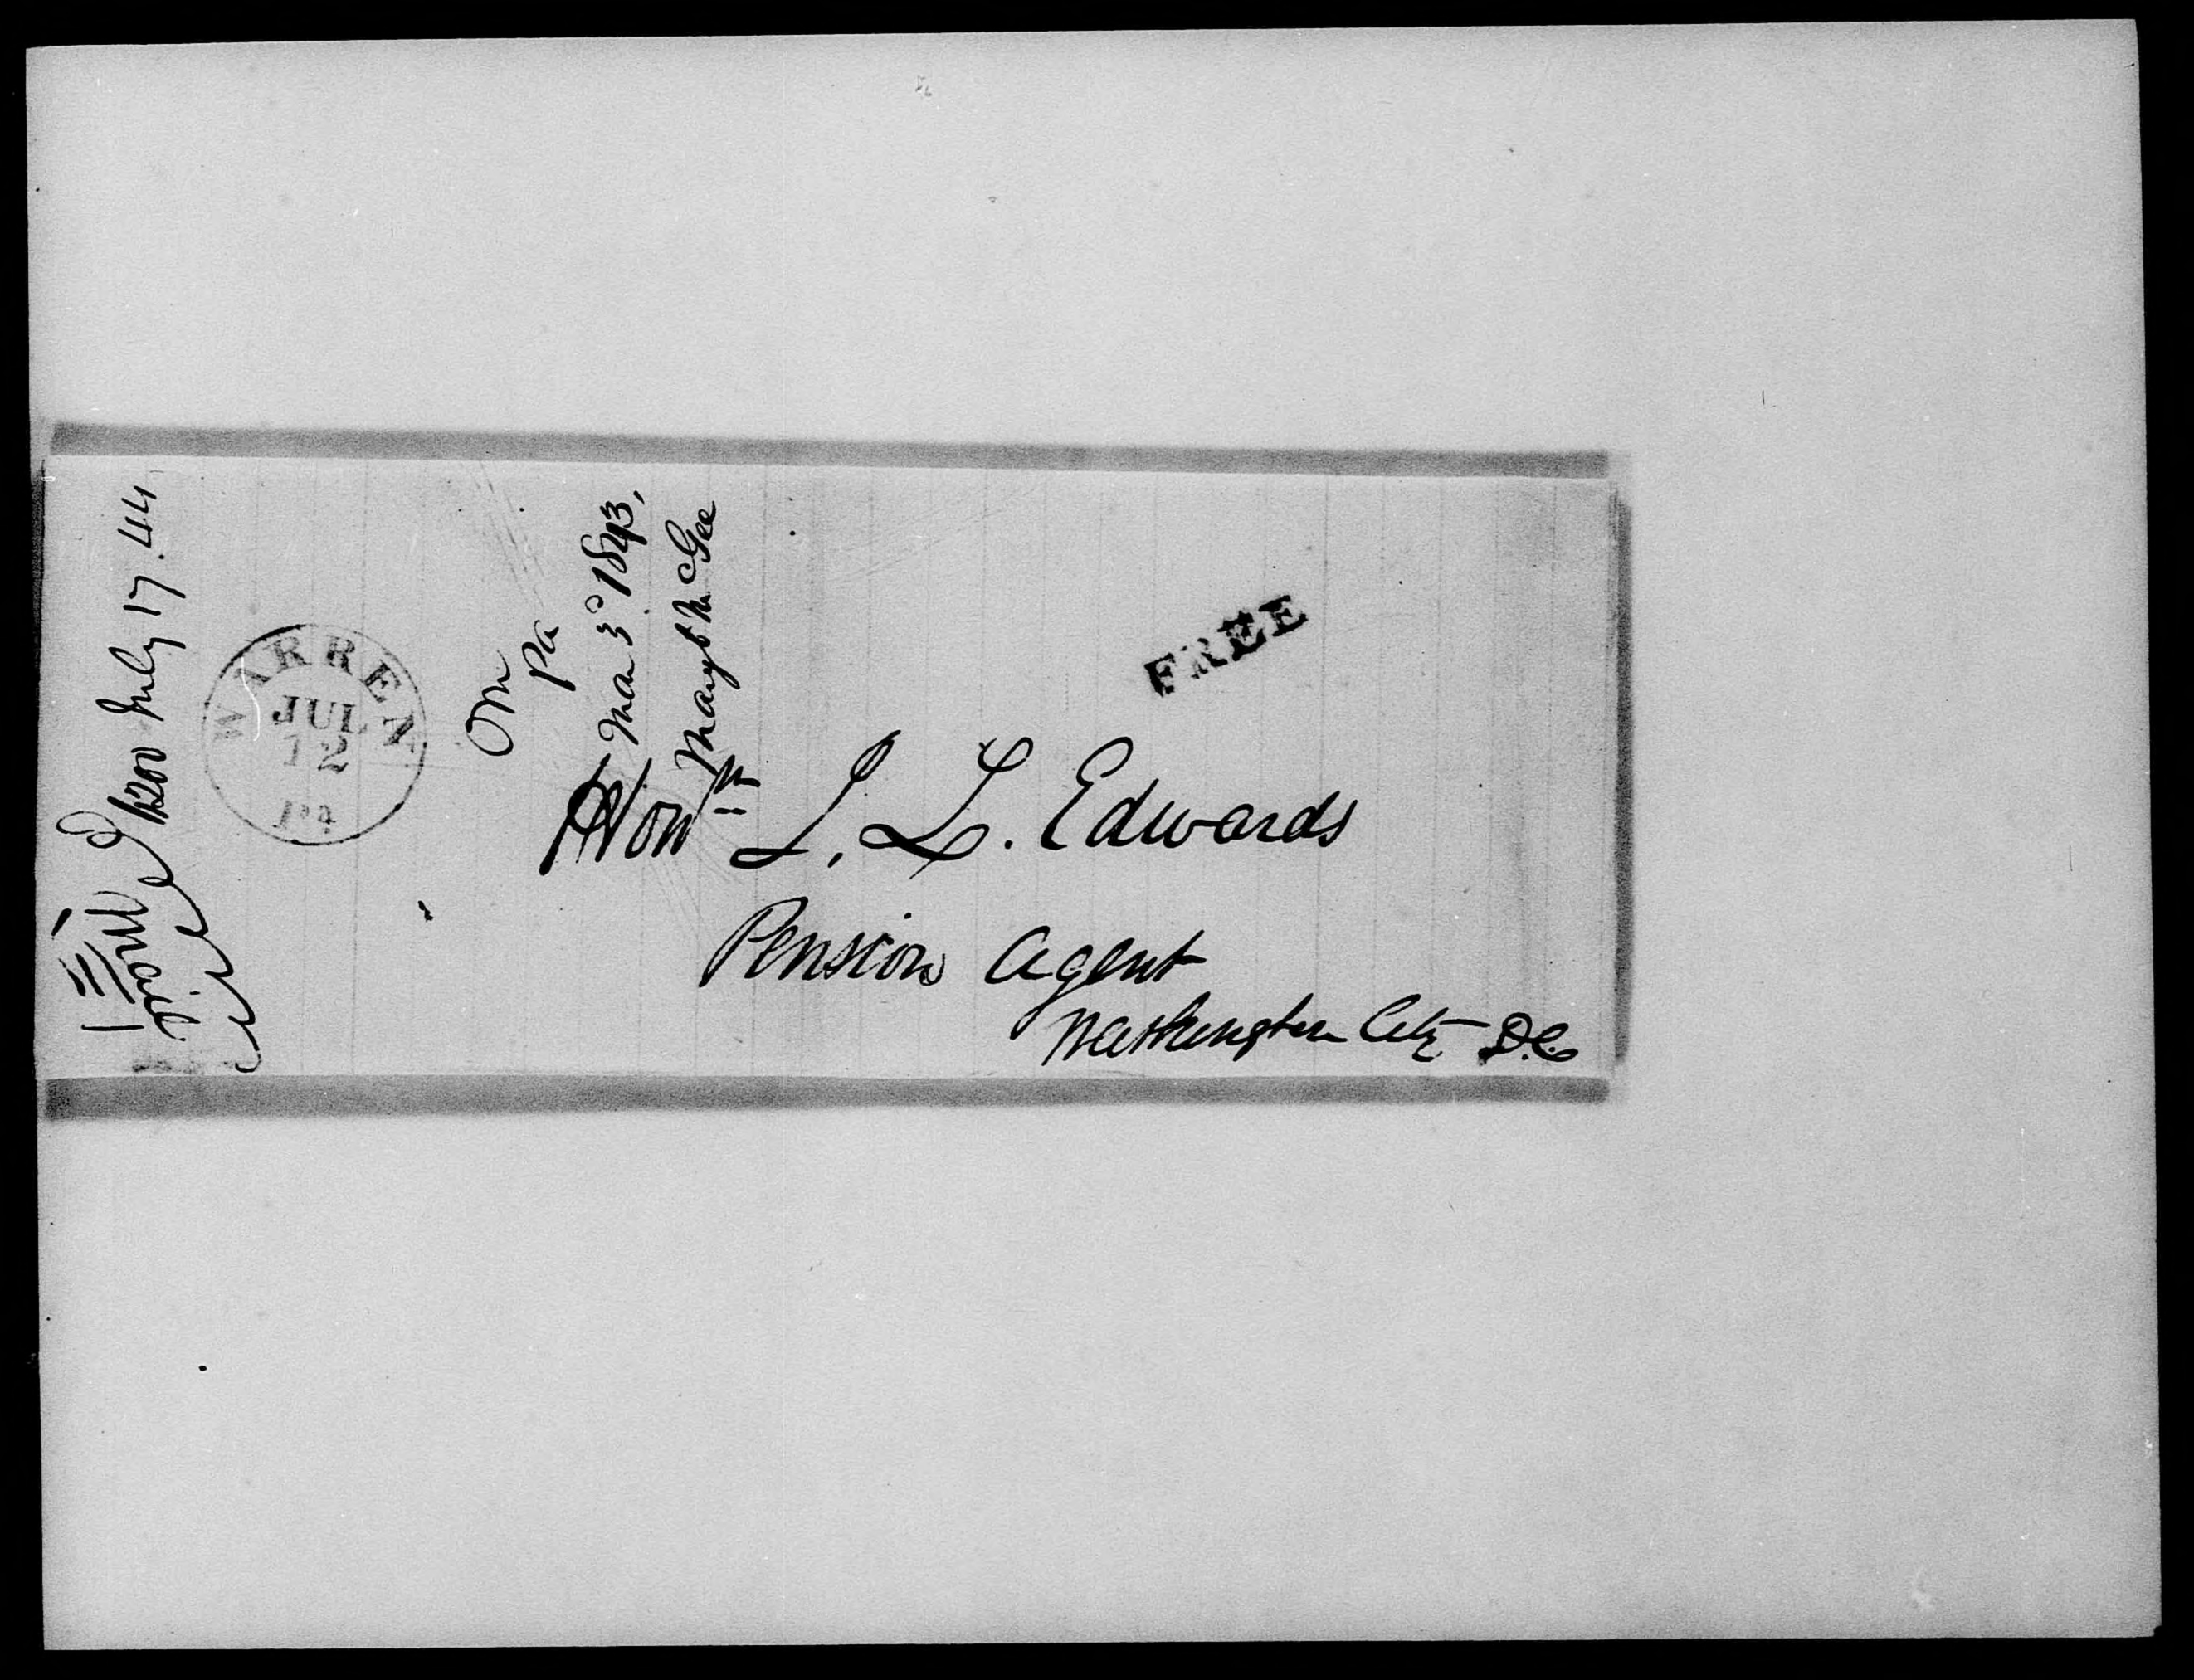I
Hon L. L. Edwards
Pension Agent
Washington City D.C.

mail
B200 July 17, 44

one page
march 3, 1843
Mary McGee

FREE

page: 48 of 77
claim: widow's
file: W 2954, for James Mc Gee, Delaware